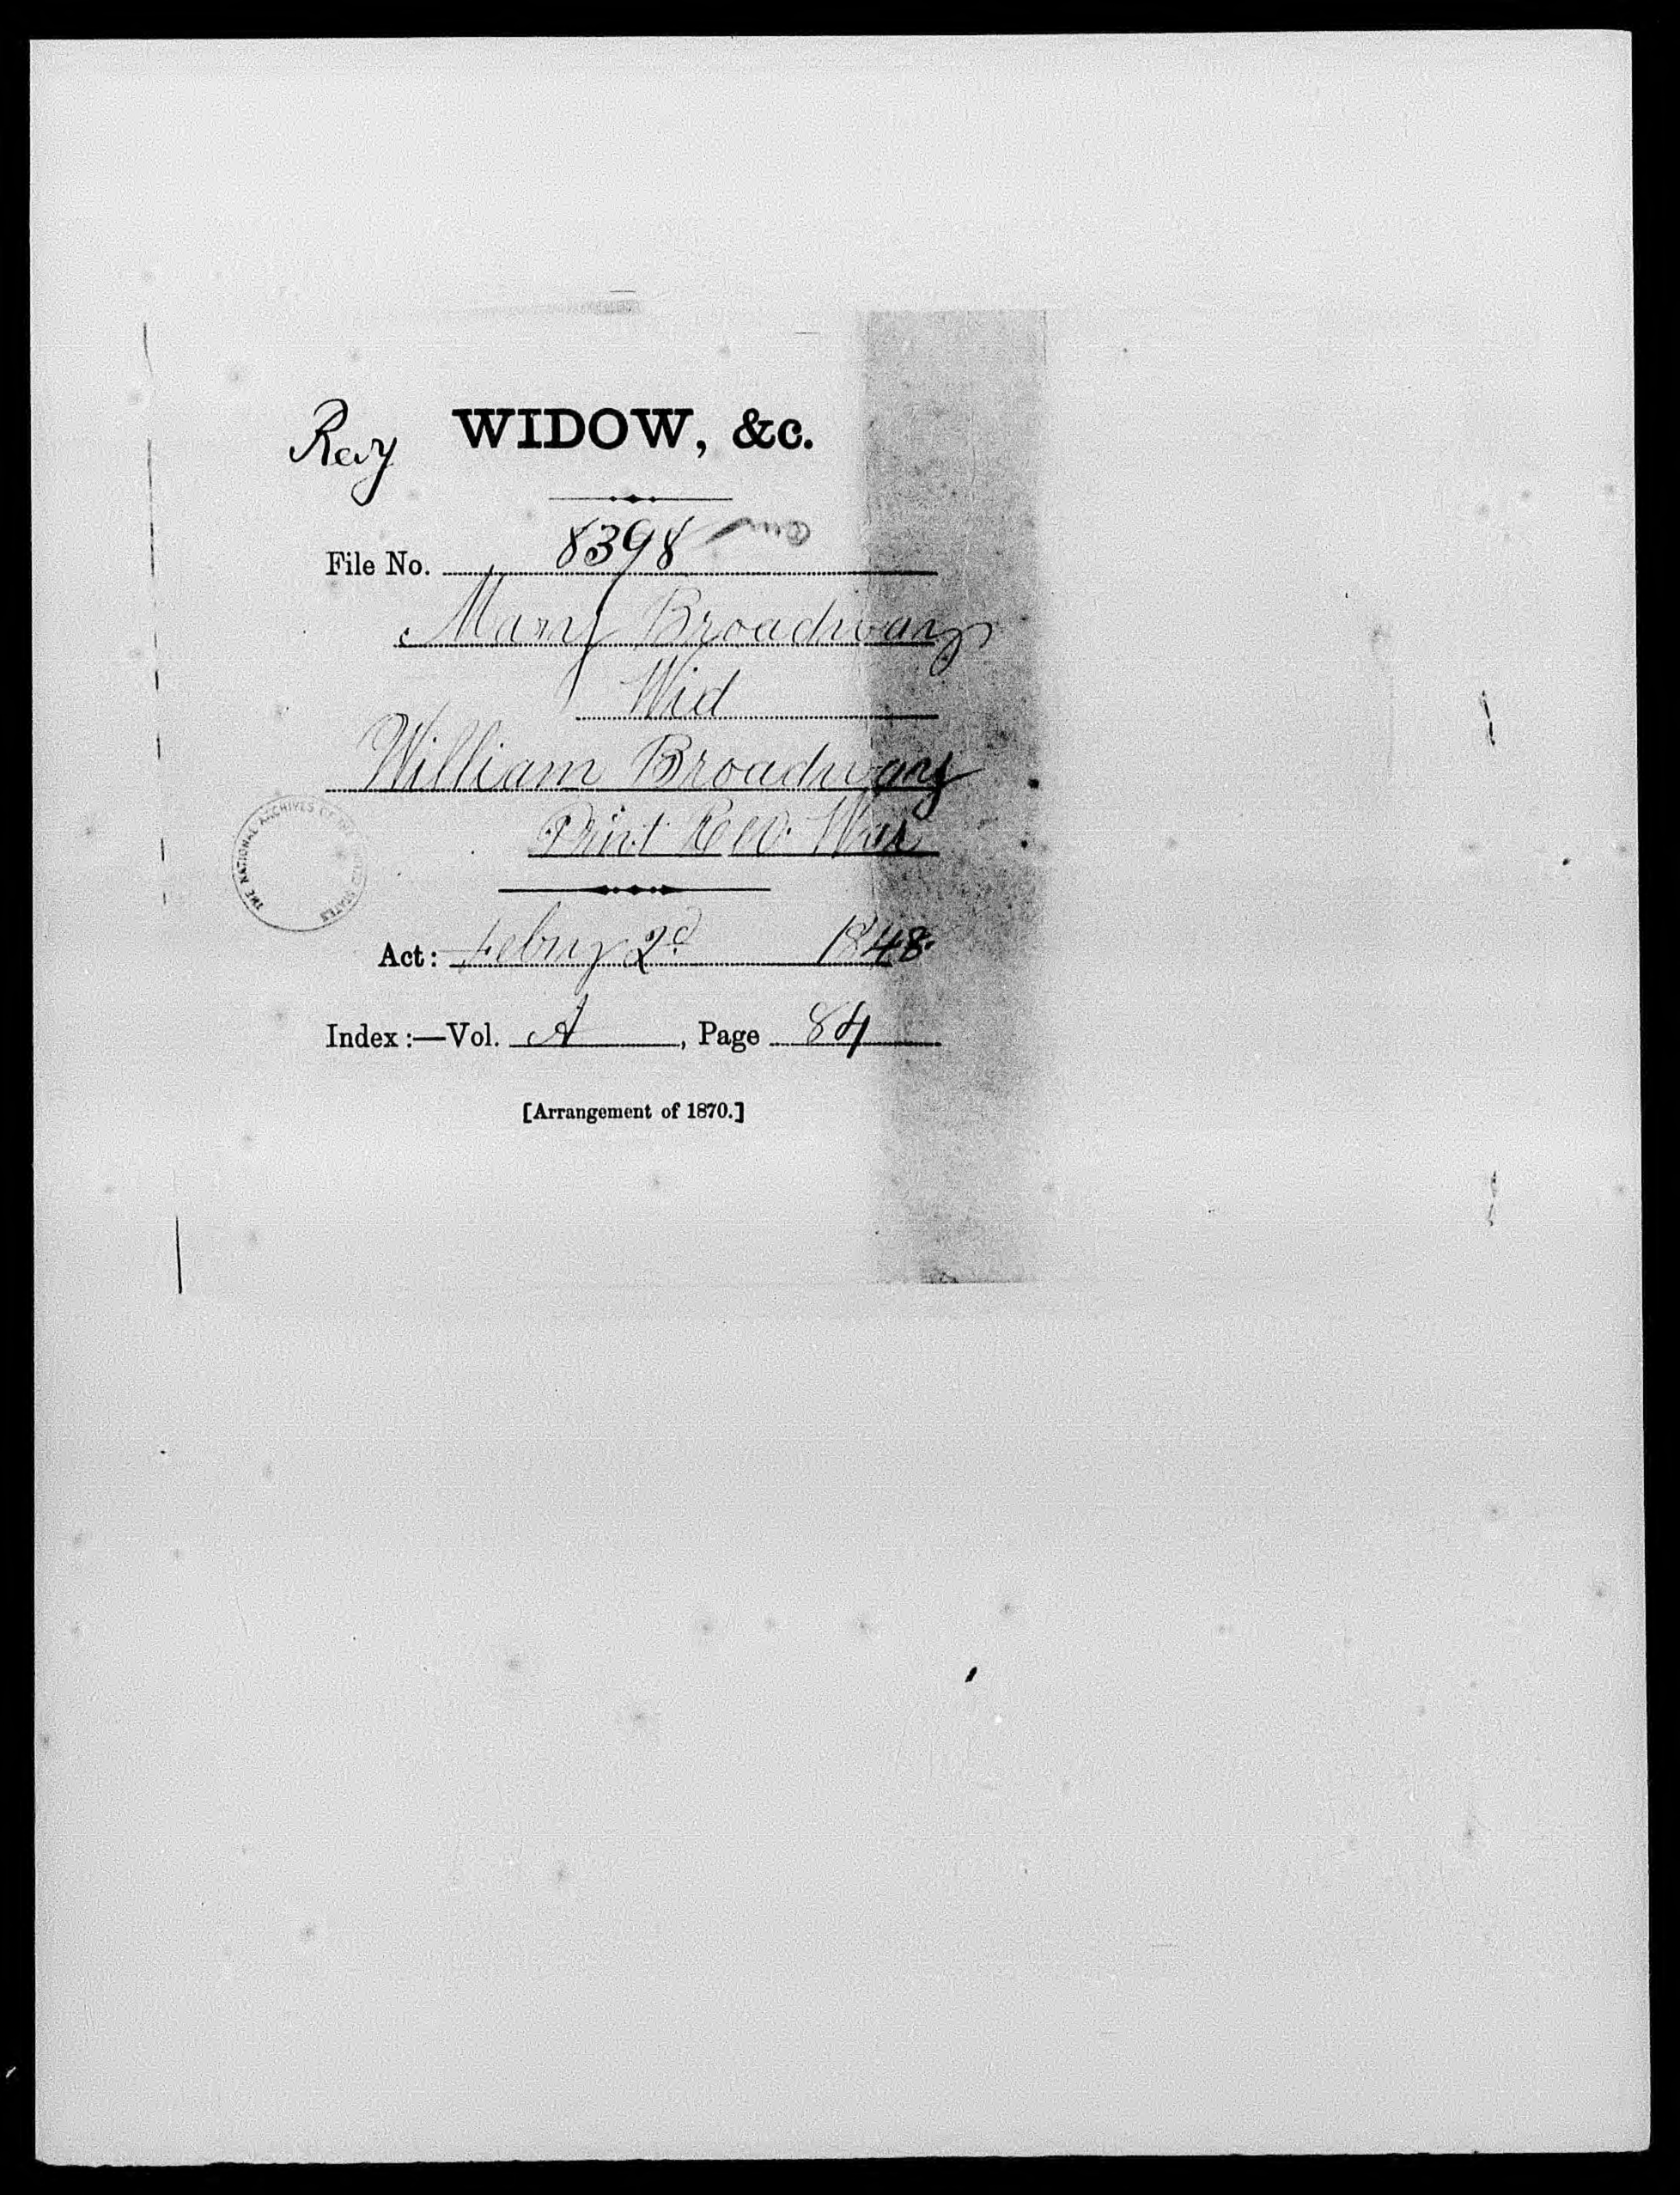Revy
WIDOW, &c.
_________

File No. 8398
Mary Broadway
Wid
William Broadway
Privt Rev War
________
Act: Febry 2d 1848
Index: -- Vol. A   Page 84

[Arrangement of 1870.]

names: William Broadway, Mary Broadway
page: 75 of 98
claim: widow's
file: W. 8398, William Broadway, S.C.